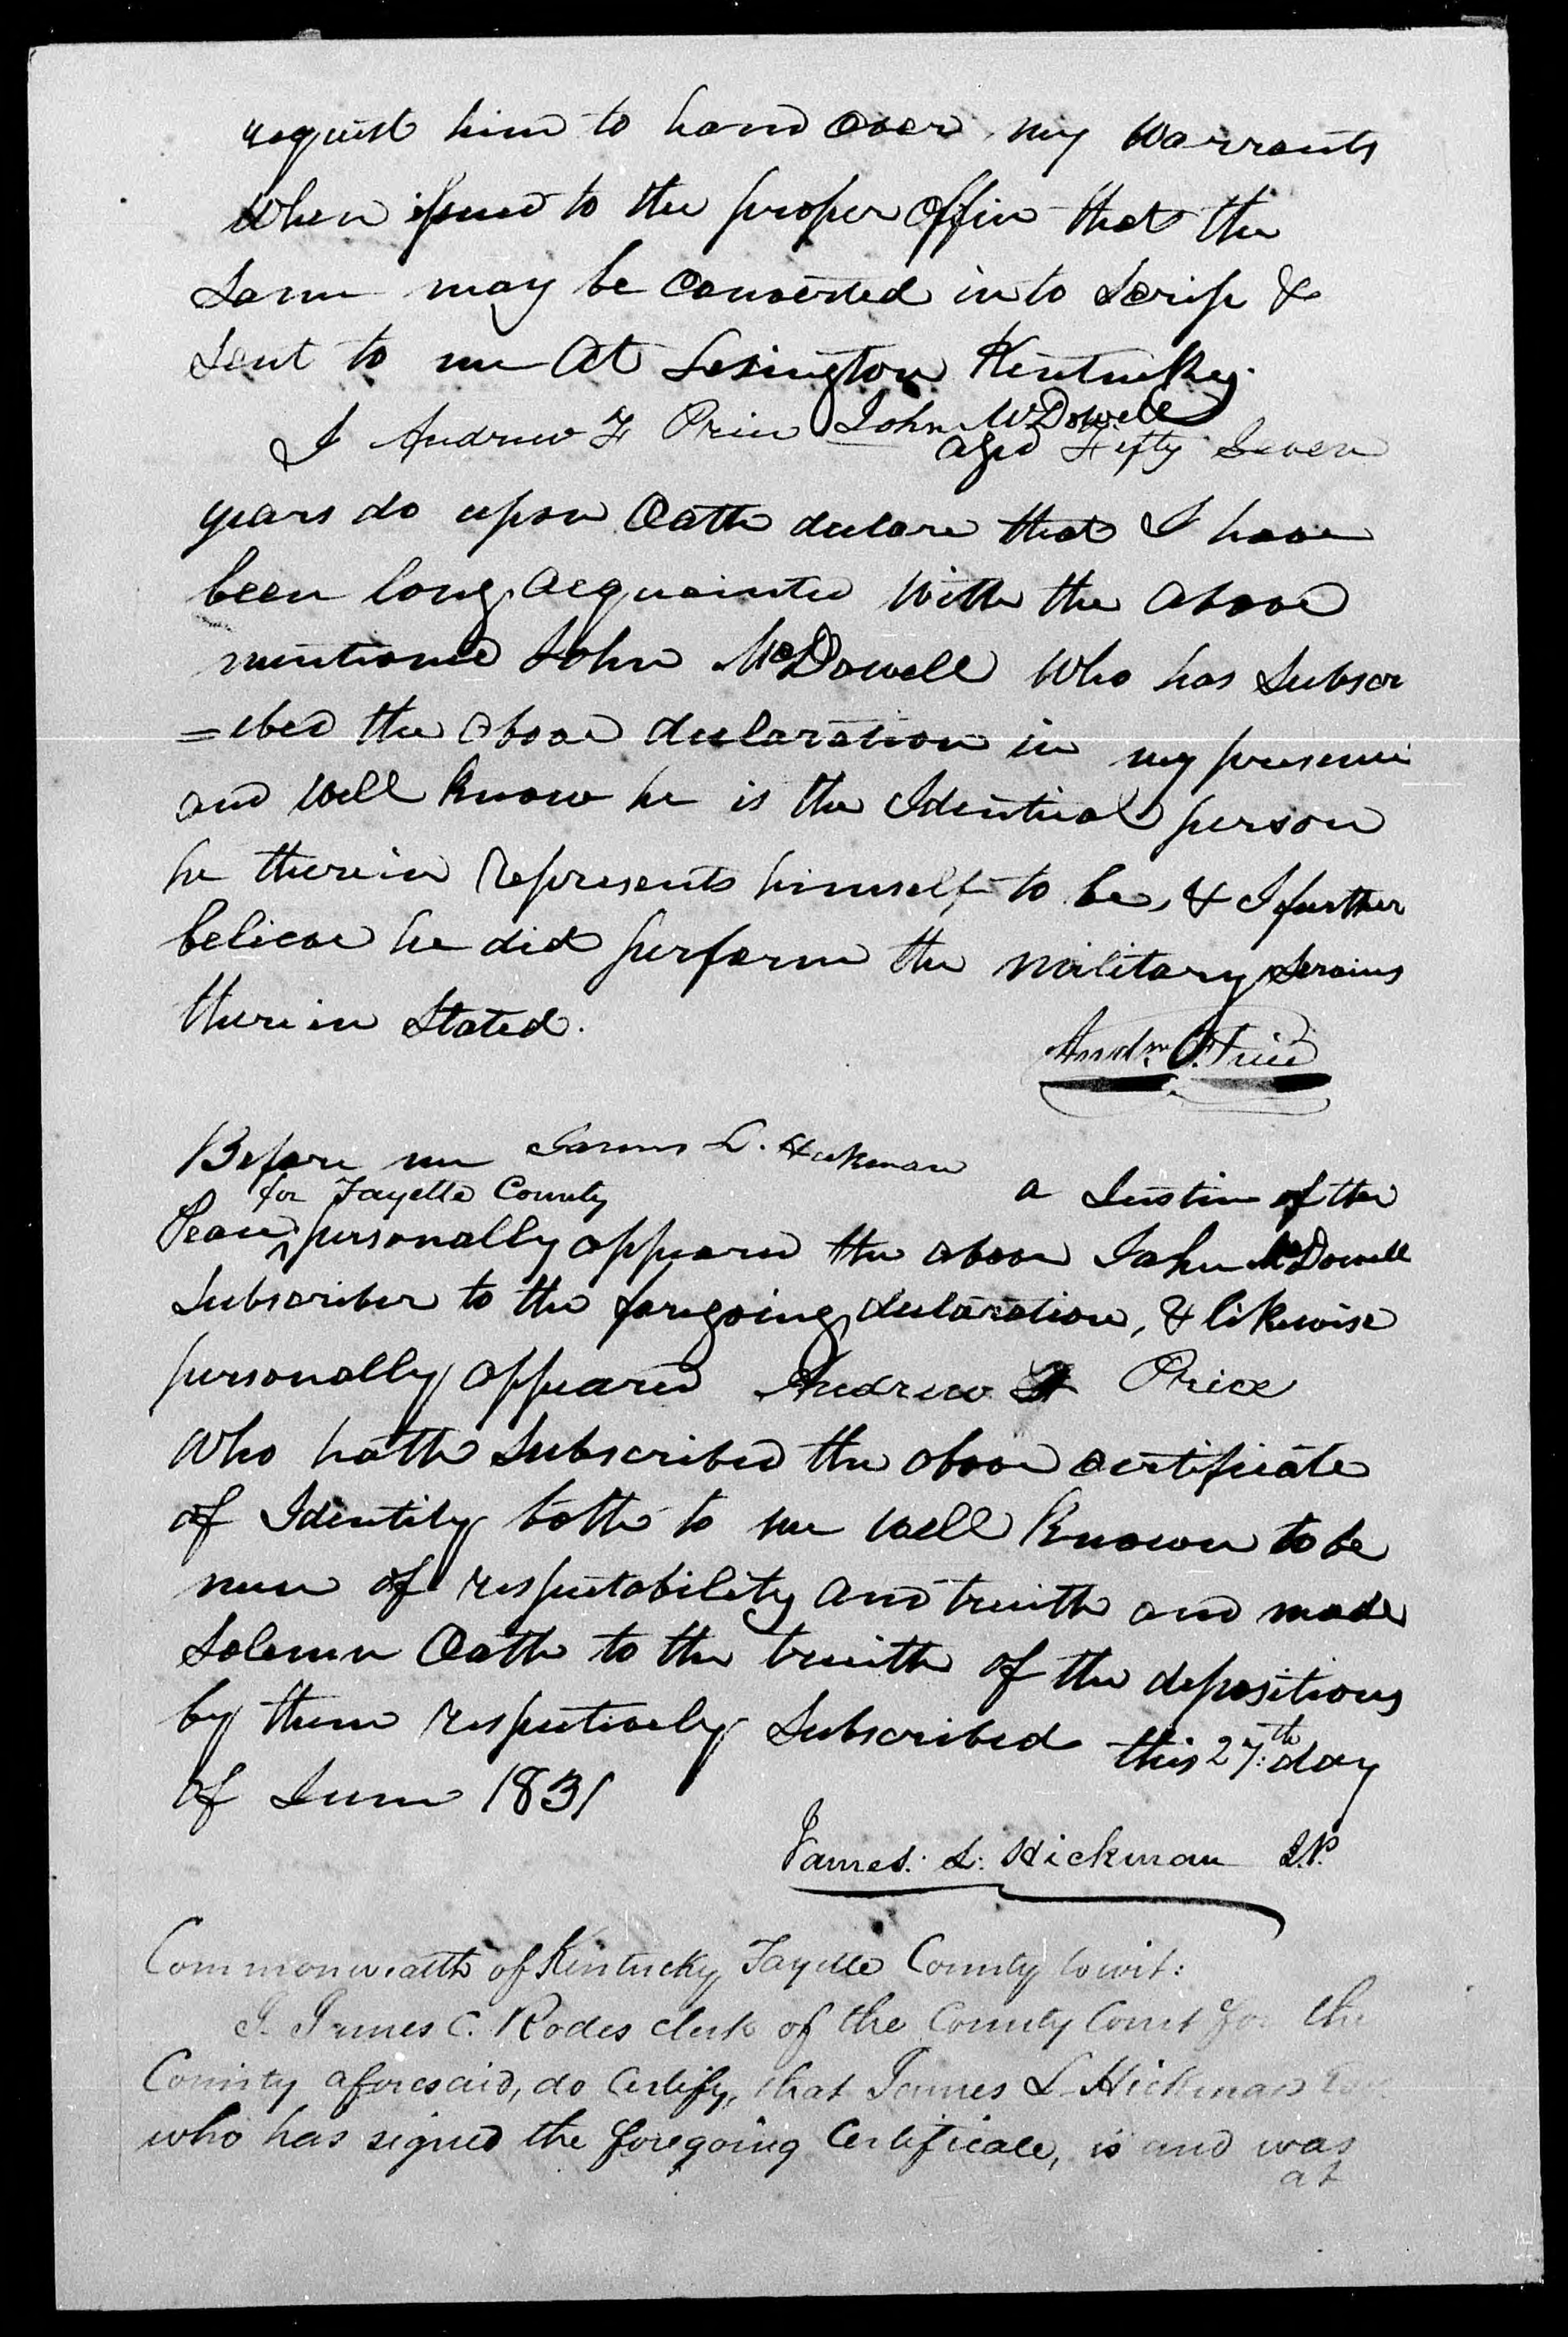request him to hand over my warrants
when issued to the proper office that this
same may be converted into scrip &
sent to me John McDowell at Lexington Kentucky.
I Andrew F. Price aged fifty seven years
so upon oath declare that I have
been long acquainted  with the above
mentioned John McDowell who has subscribed
the above declarations in my presence
and well know he is the identical person
he therein represents himself to be, & I
further believe he did perform the military 
service there in stated.
(signature of Andrew Price)

Before me James L. Hickman a Justice of the Peace
for Fayette County personally appeared the above John McDowell subscriber to the foregoing
declaration, [illegible]
personally appeared Andrew [ ] Price who both
subscribed the above certificate of identity
both to me well known to be men of
respectability and truth and made Solemn Oath
to the truth of the depositors y them
respectively subscribed this 27th day of June 1831.
(signature of James S. Hickman J.P.)

Commonwealth of Kentucky Fayette County to wit
I, James C. Rodes clerk of the County Court for the
County aforesaid, do certify, that James L. Hickman
is who has signed the foregoing certificate, is and was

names: John Mc Dowell; James C Rodes; James L Herkman; Andrew F Price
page: 23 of 47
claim: survivor's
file: S. 30578, for John Mc Dowell, Virginia